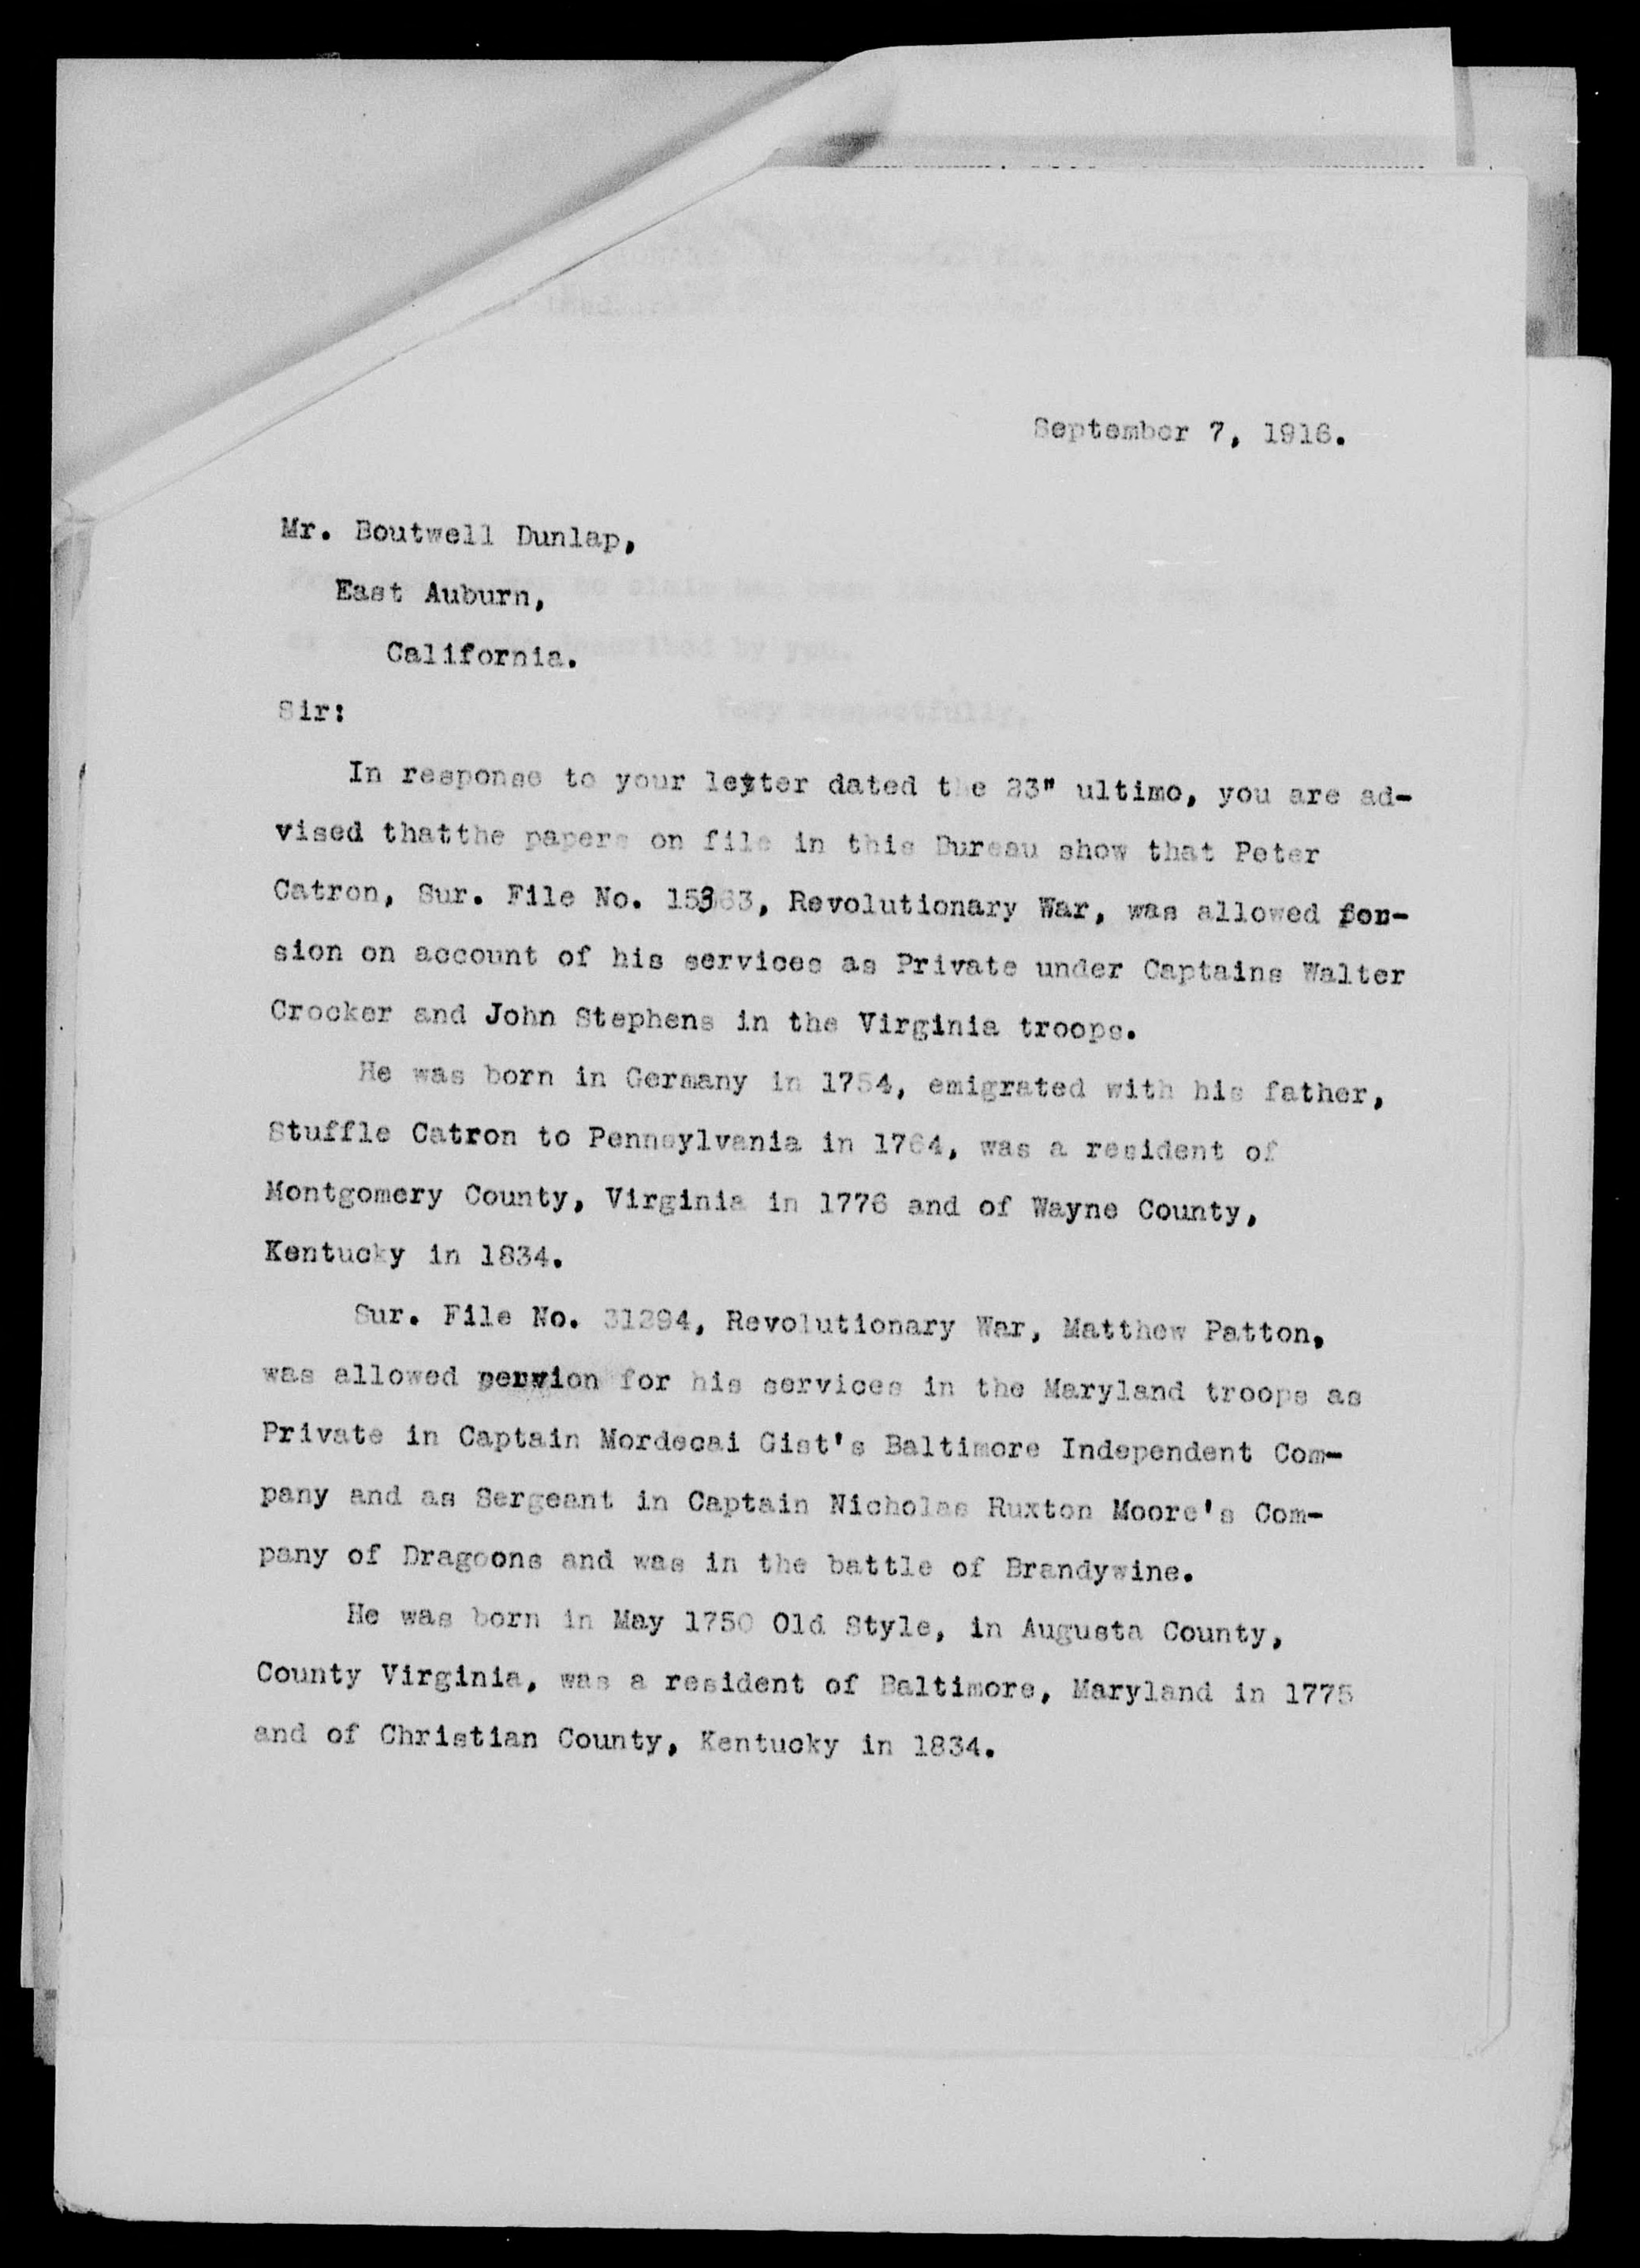September 7, 1916.

Mr. Boutwell Dunlap,
East Auburn,
California.

Sir,

In response to your letter dated the 23rd ultimo, you are advised that the papers on file in this Bureau show that Peter Catron, Sur. File No. 1533, Revolutionary War, was allowed pension on account of his services as Private under Captains Walter Crocker and John Stephens in the Virginia troops.

He was born in Germany in 1754, emigrated with his father, Stuffle Catron to Pennsylvania in 1764, was a resident of Montgomery County, Virginia in 1776 and of Wayne County, Kentucky in 1834.

Sur. File No. 313294, Revolutionary War, Matthew Patton, was allowed pension for his services in the Maryland troops as Private in Captain Mordecai Gist's Baltimore Independent Company and as Sergeant in Captain Nicholas Ruxton Moore's Company of Dragoons and was in the battle of Brandywine.

He was born in May 1750 Old Style, in Augusta County, Virginia, was a resident of Baltimore, Maryland in 1775 and of Christian County, Kentucky in 1834.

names: Stuffle Catron; Peter Catron; John Stephens; Matthew Patton; Boutwell Dunlap; Walter Crocker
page: 44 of 45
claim: survivor's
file: S. 31294, for Matthew Patton, Maryland